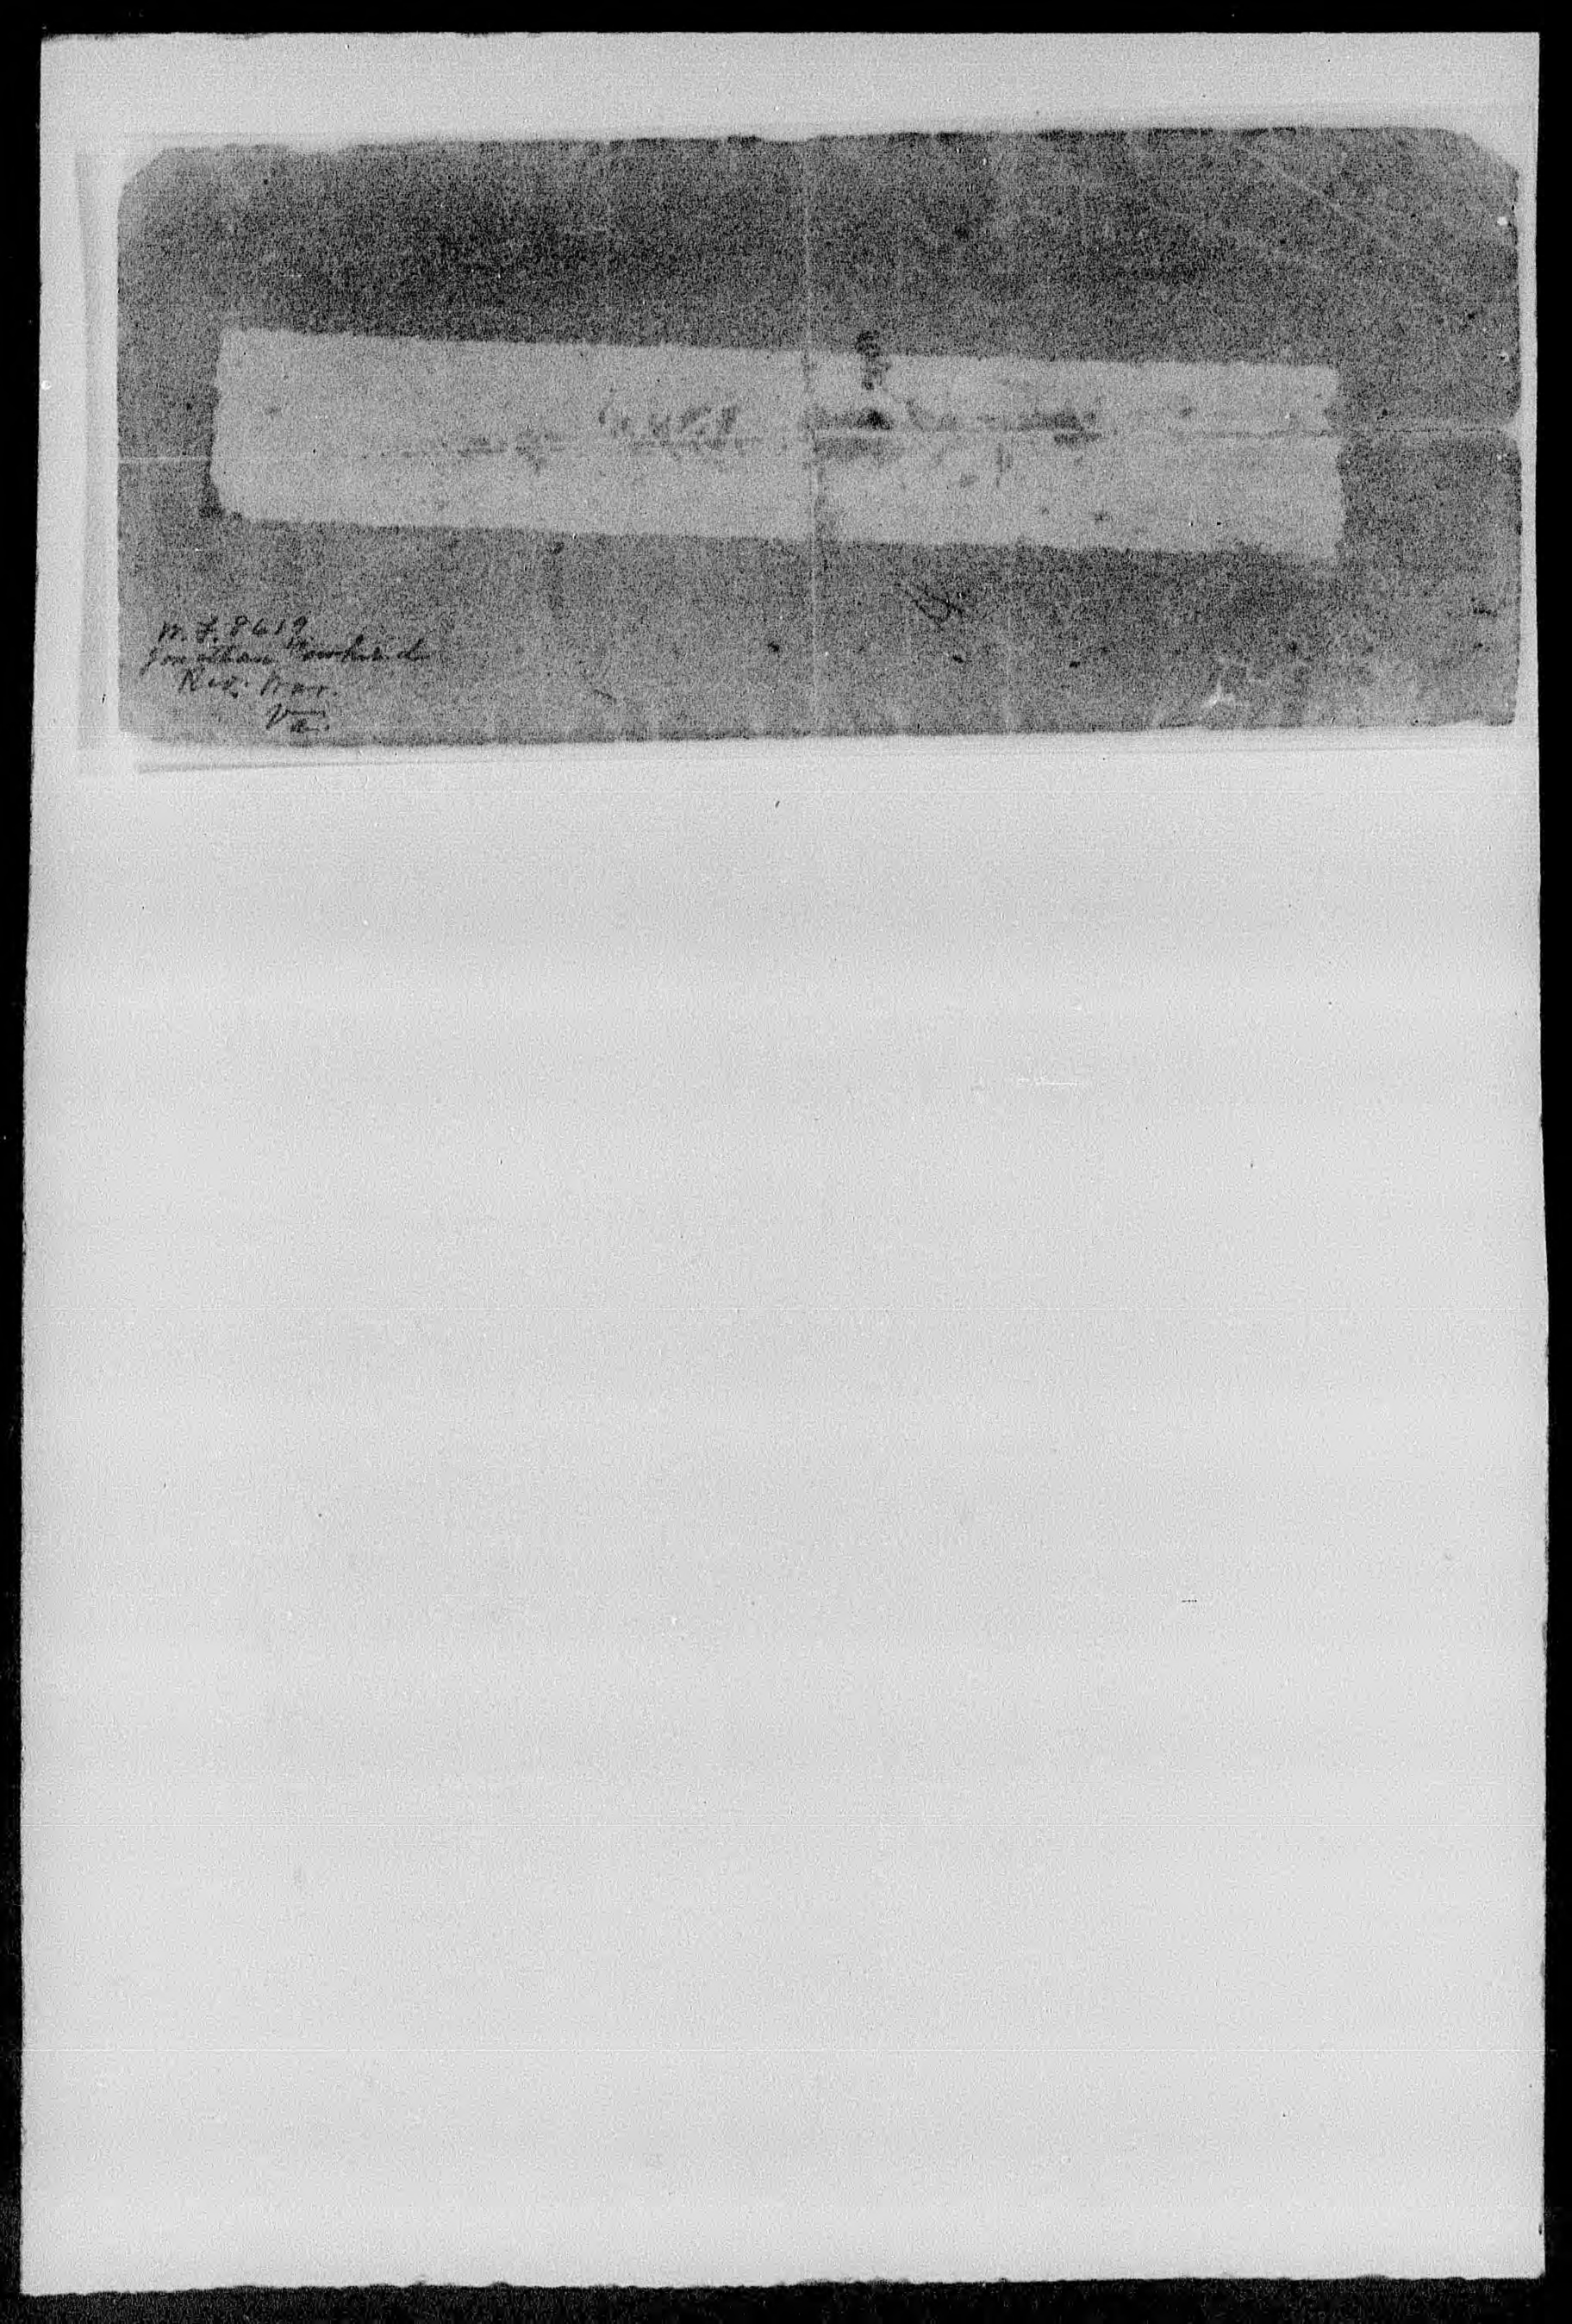W. F. 8619
Jonathan Cowherd
Rev. War
Va.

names: Jonathan Cowherd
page: 19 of 46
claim: widow's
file: W 8619, Jonathan Cowherd, Va.